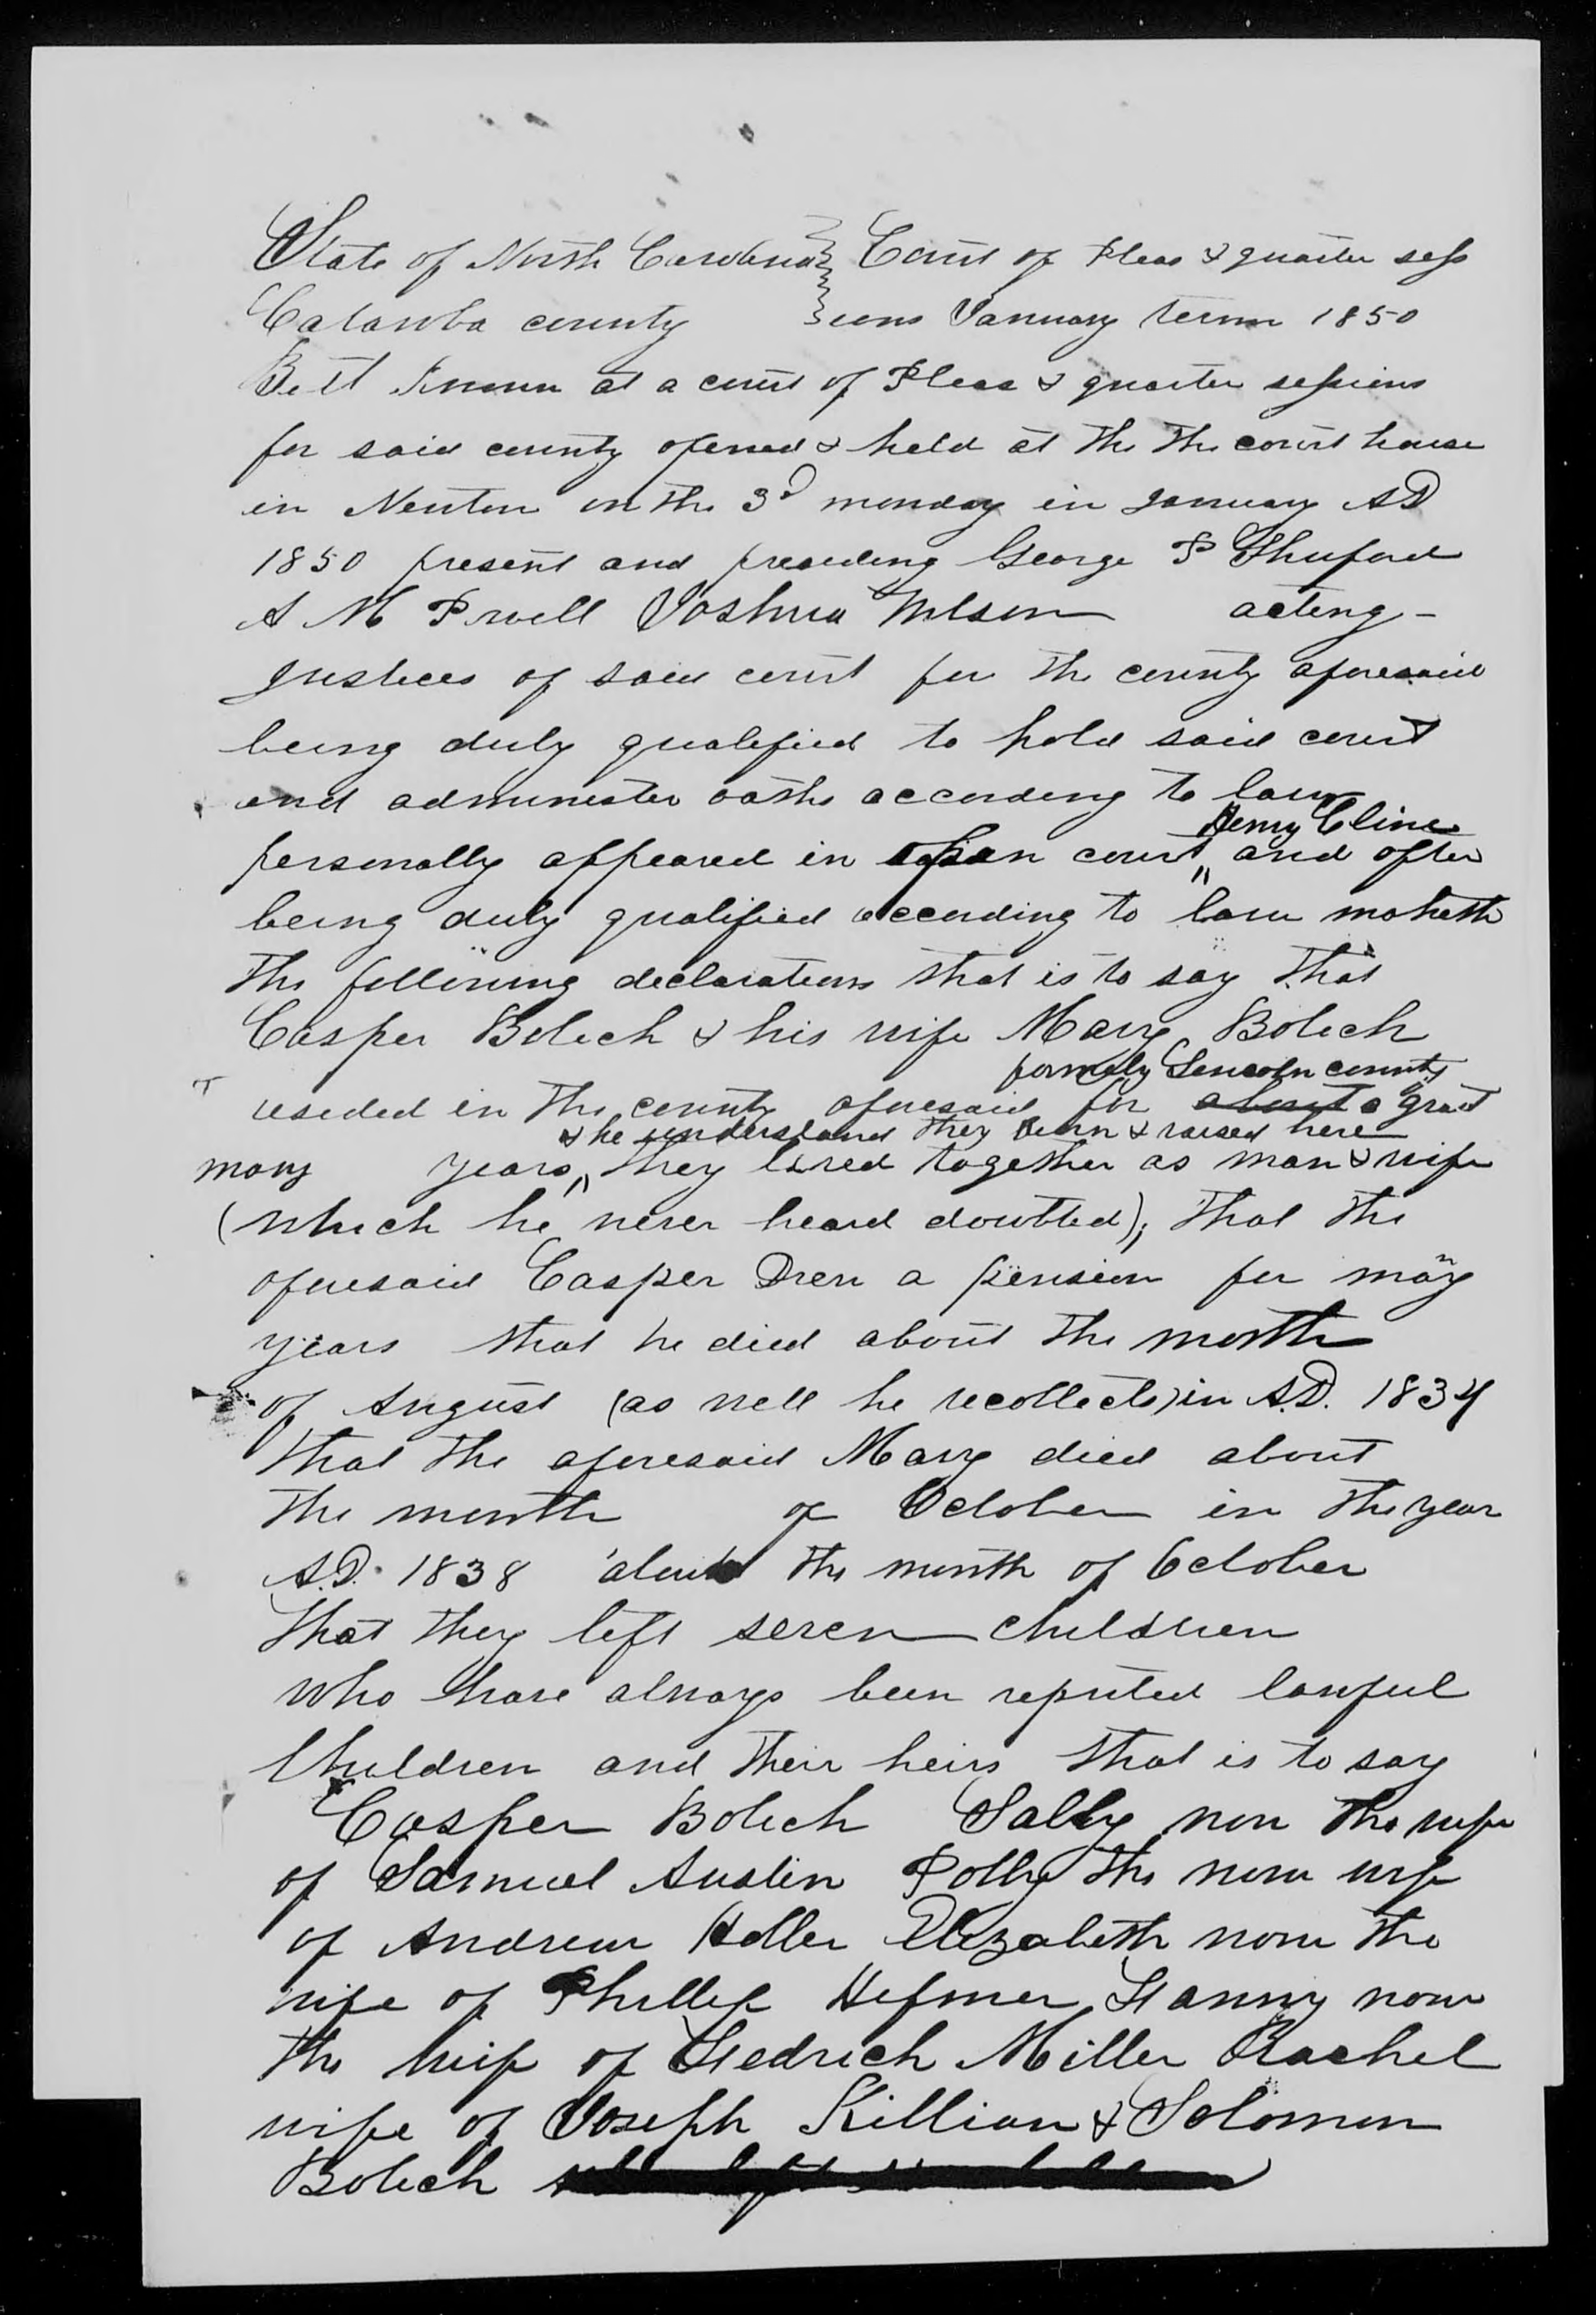State of North Carolina} Court of please & Catawba County} quarter sessions January term 1850
Be it known at a court of Pleas & quarter sessions for said county opened & held at the the court house in Newton in the 3rd monday in January A. D. 1850 present and presiding George P. Shuford A.. M. Powell Joshua Wilson acting justices of said court for the county aforesaid being duly qualified to hold said court ad administer oaths according to law personally appeared in open court Henry Cline  and after being duly qualified according to law maketh the following declaration that is to say that Casper Bolick & his wife Mary Bolick resided in the county aforesaid formerly Lincoln county for a great many years & he understood they born and raised here , they lived together as man & wife (which he never heard doubted), that the aforesaid Casper drew a pension for many years that he died about the month of August ( as well he recollects) in A. D. 1834. That the aforesaid Mary died about the month of October in the year A. D. 1838 about the month of October. That they left seven children who have always been reputed lawful children and their heirs that is to say Casper Bolick Sally now the wife of Samuel Austin Polly the now wife of Andrew Holler Fanny now the wife of Fredrich Miller Elizabeth now the wife of Phillip Hefner Rachel wife of Joseph Killian & Solomon Bolick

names: Casper Bolech, Elizabeth, George P Shuford, Mary, Polly, Sally, Joshua Wilson, Samuel Austin, Mary Bolech, Henry Cline, A M Powell, Casper Drew, Fedrich Miller, Phillip Hefmer, Fanny, Andrew Heller, Solomon Bolech, Joseph Killian, Rachel, Casper Bolech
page: 6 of 43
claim: widow's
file: W. 18,566, Casper Bolick, N.C.